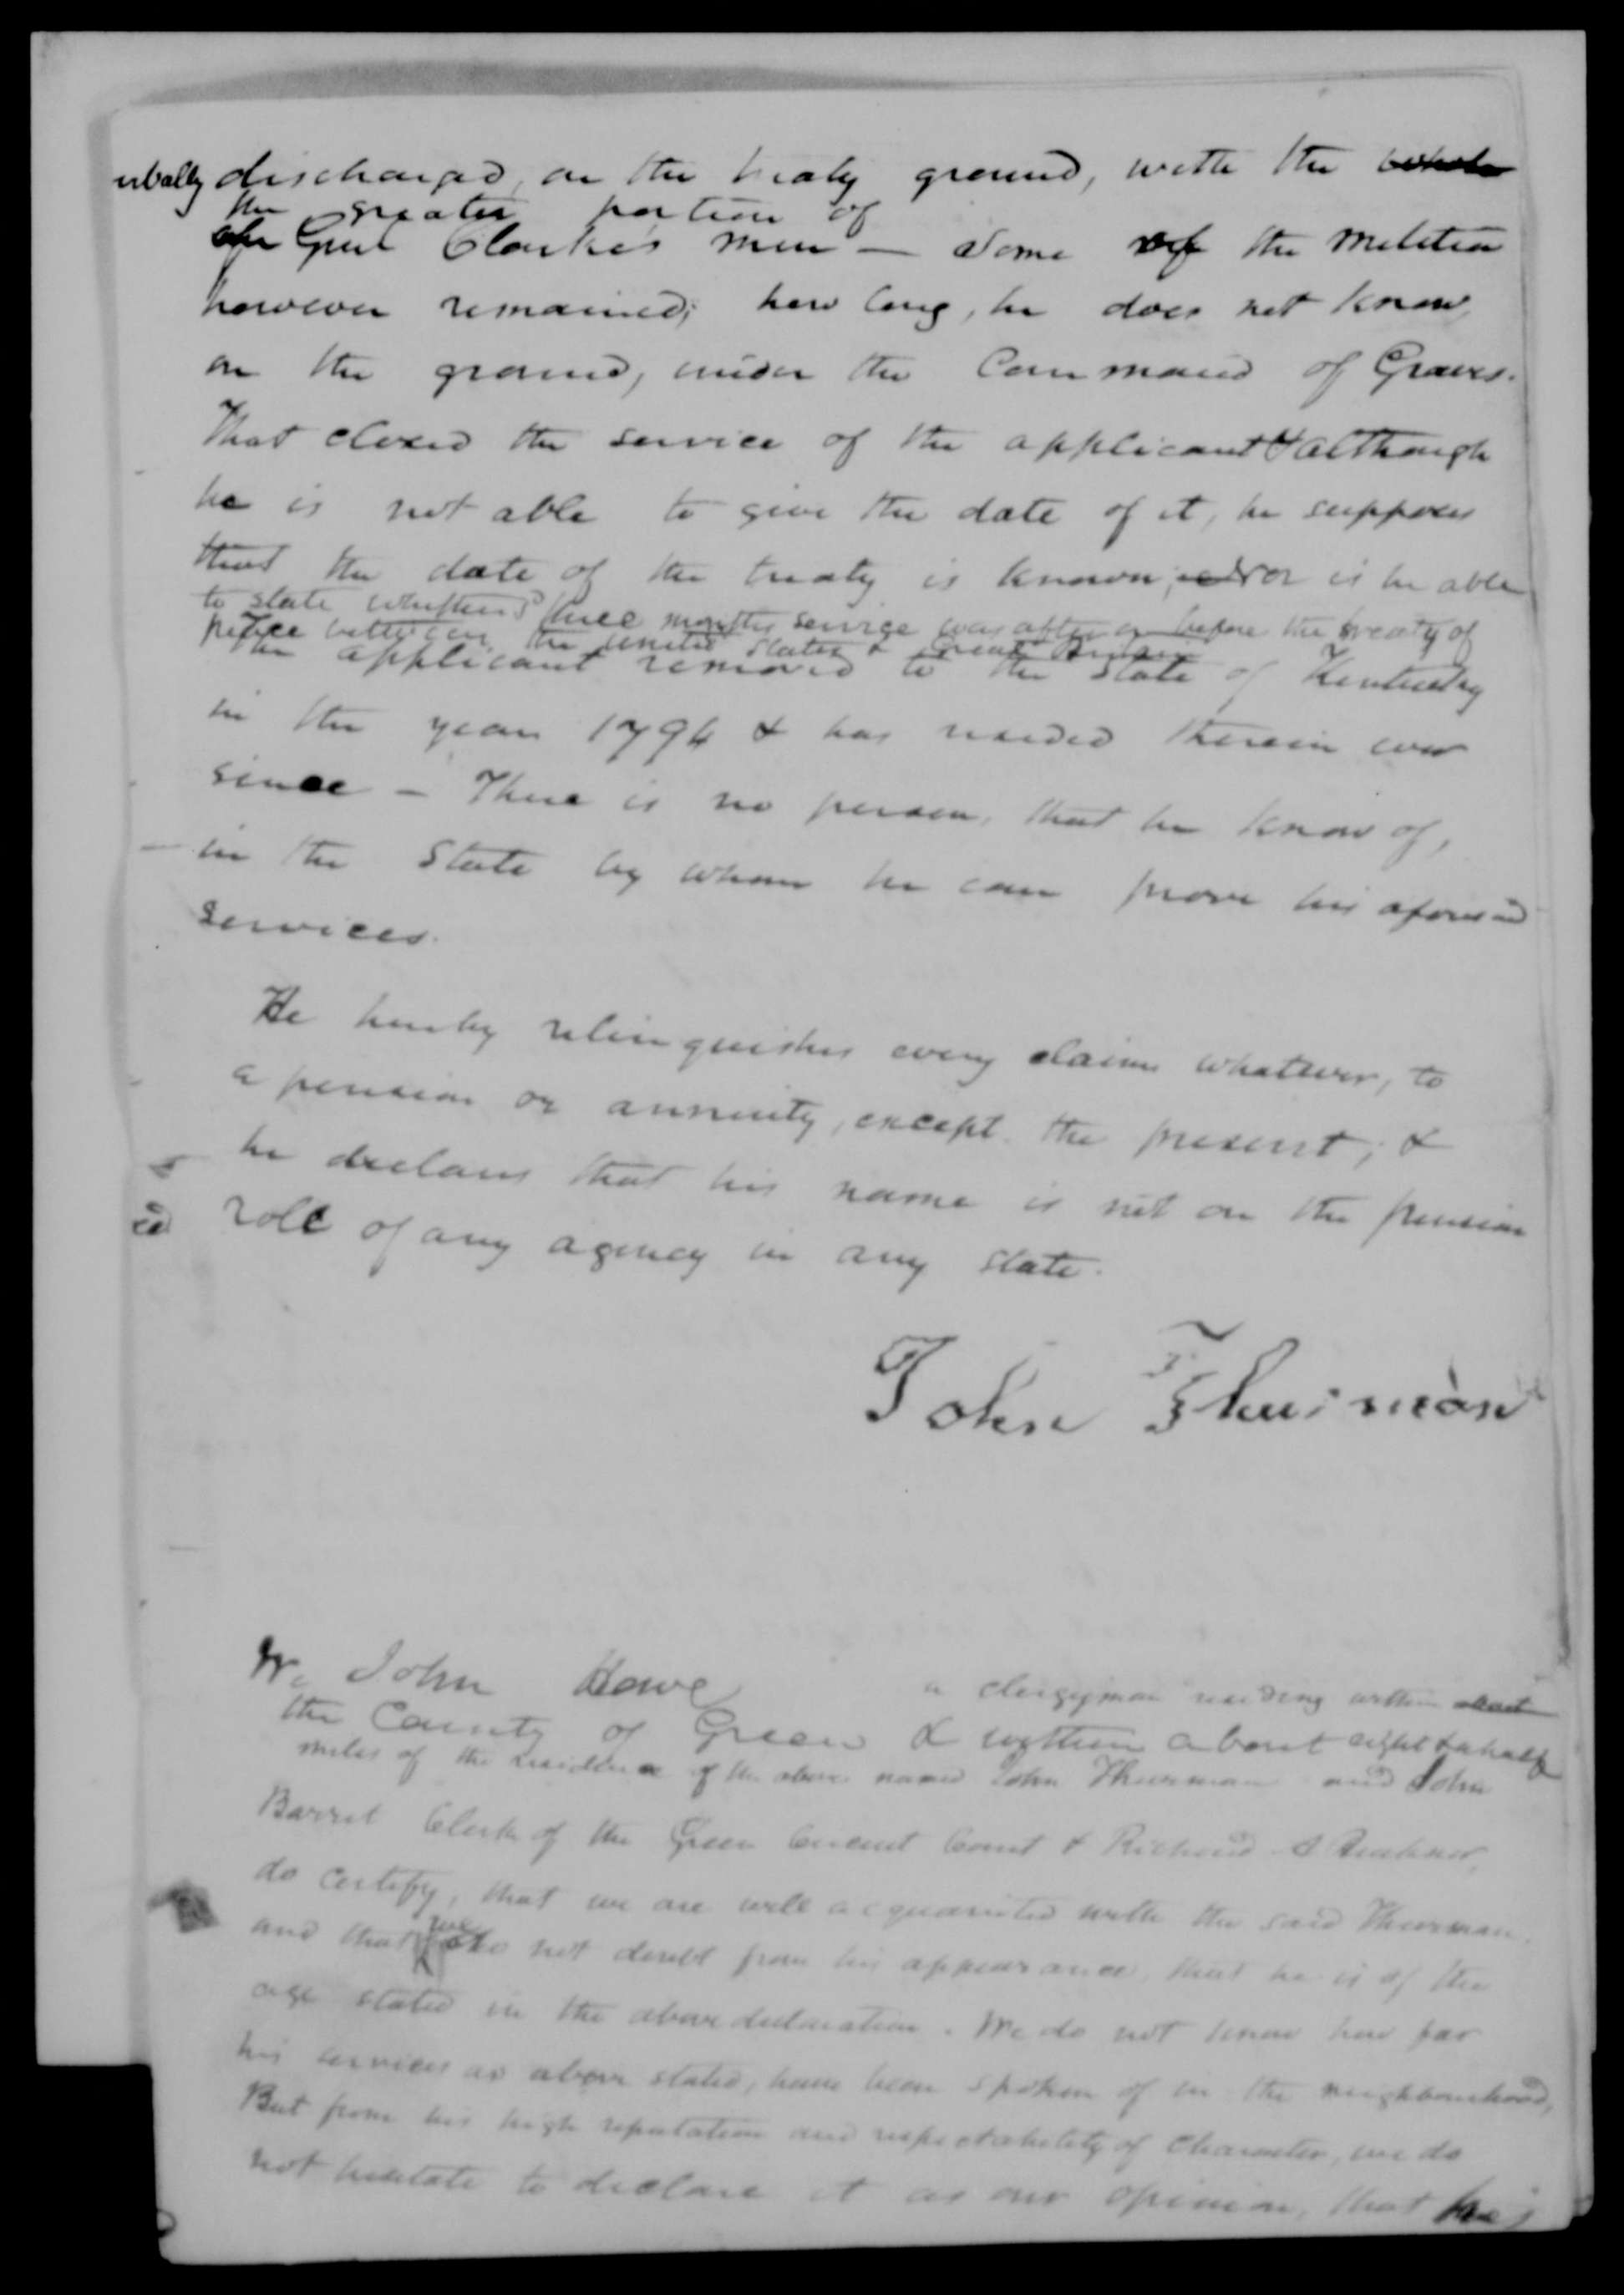verbally discharged, on the early ground, with the [whole][crossed out] the greater portion of Genl Clarke's men some of the militia however remained; how long, he does not know on the ground, under the command of Graves. That closed the service of the applicant & although
he is not able to give the date of it, he supposes that the date of the treaty is known; Nor is he able to state whither sd [said] three months service was after or before the treaty of peace between the United States & Great Britain. The applicant removed to the State of Kentucky in the year 1794 & has resided therein ever since. There is no person, that he knows of, in the State by whom he can prove his aforesaid services. He hereby relinquishes every claim whatever, to a pension or annuity, except the present, & he declares that his name is not on the pension roll of any agency in any State.
John Thurman
We John Howe a Clergyman residing within about the County of Green & within about eight & a half miles of the residence of the above named John Thurman and John Barret Clerk of the Green Circuit Court & Richard A Buckner, do certify, that we are well acquainted with the said Thurman, and that we do not doubt from his appearance, that he is of the
age stated in the above declaration. We do not know how far his services as above stated, have been spoken of in the neighbourhood, 
But from his high reputation and respectability of Character, we do not hesitate to declare it as our opinion, that his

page: 11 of 53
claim: widow's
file: W. 6,267, for John Thurman, Georgia